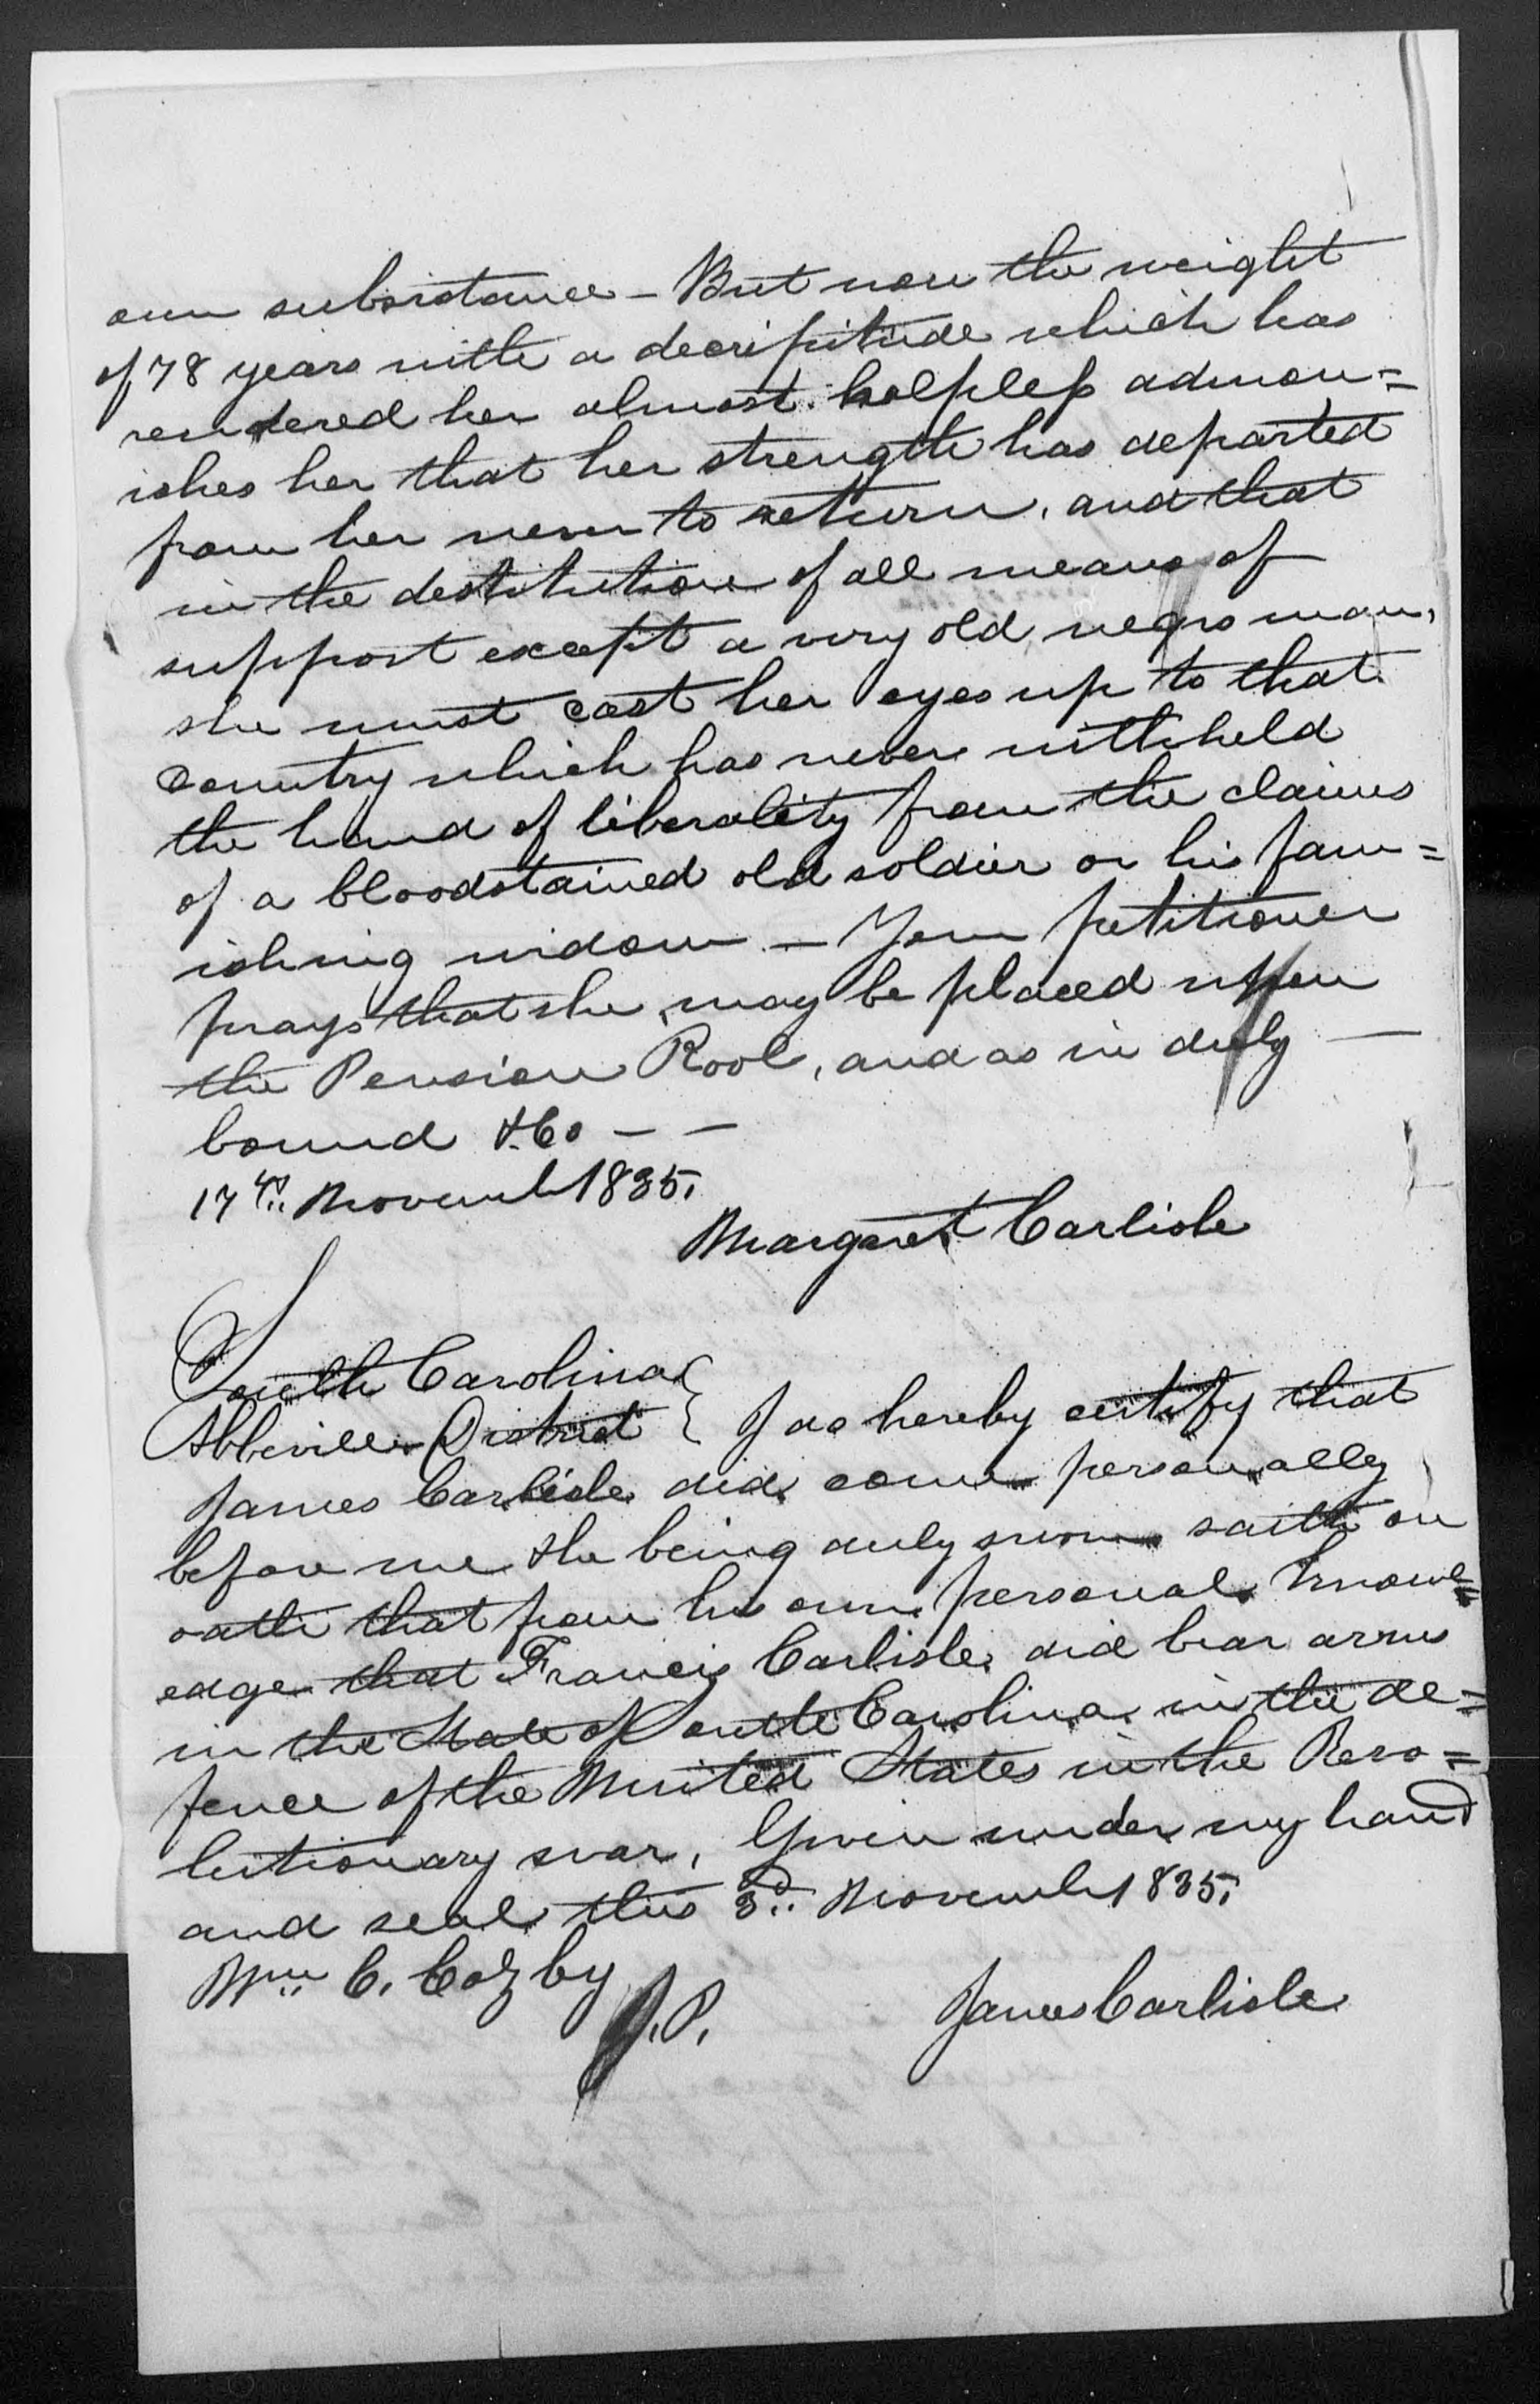own subsistence. But now the weight of 78 years with a decrepitude, which has rendered her almost helpless admonishes her that her strength has departed from her never to return, and that in the destitution of all means of support except a very old negro man, she must cast her eyes up to that country which has never withheld the hand of liberality from the claims of a bloodstained old soldier or his famishing widow-- Your petitioner prays that she may be placed on the Pension Roll, and as in duly bound & Co--
17th November 1835.
[signed] Margaret Carlisle

South Carolina
Abbeville District
I do hereby certify that James Carlisle did come personally before me the being duly sworn saith on
oath that from his own personal knowledge that Francis Carlisle did bear arms in the State of South Carolina in the defence of the United States in the Revolutionary war,
[signed] James Carlisle

Given under my hand and seal this 3d November 1835.
Wm C. Cazby J. P.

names: James Carlisle, Margaret Carlisle, Wm C Cozby, Francis Carlisle, James Carlisle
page: 26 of 91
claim: widow's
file: W. 10576, Francis Carlisle, S.C.